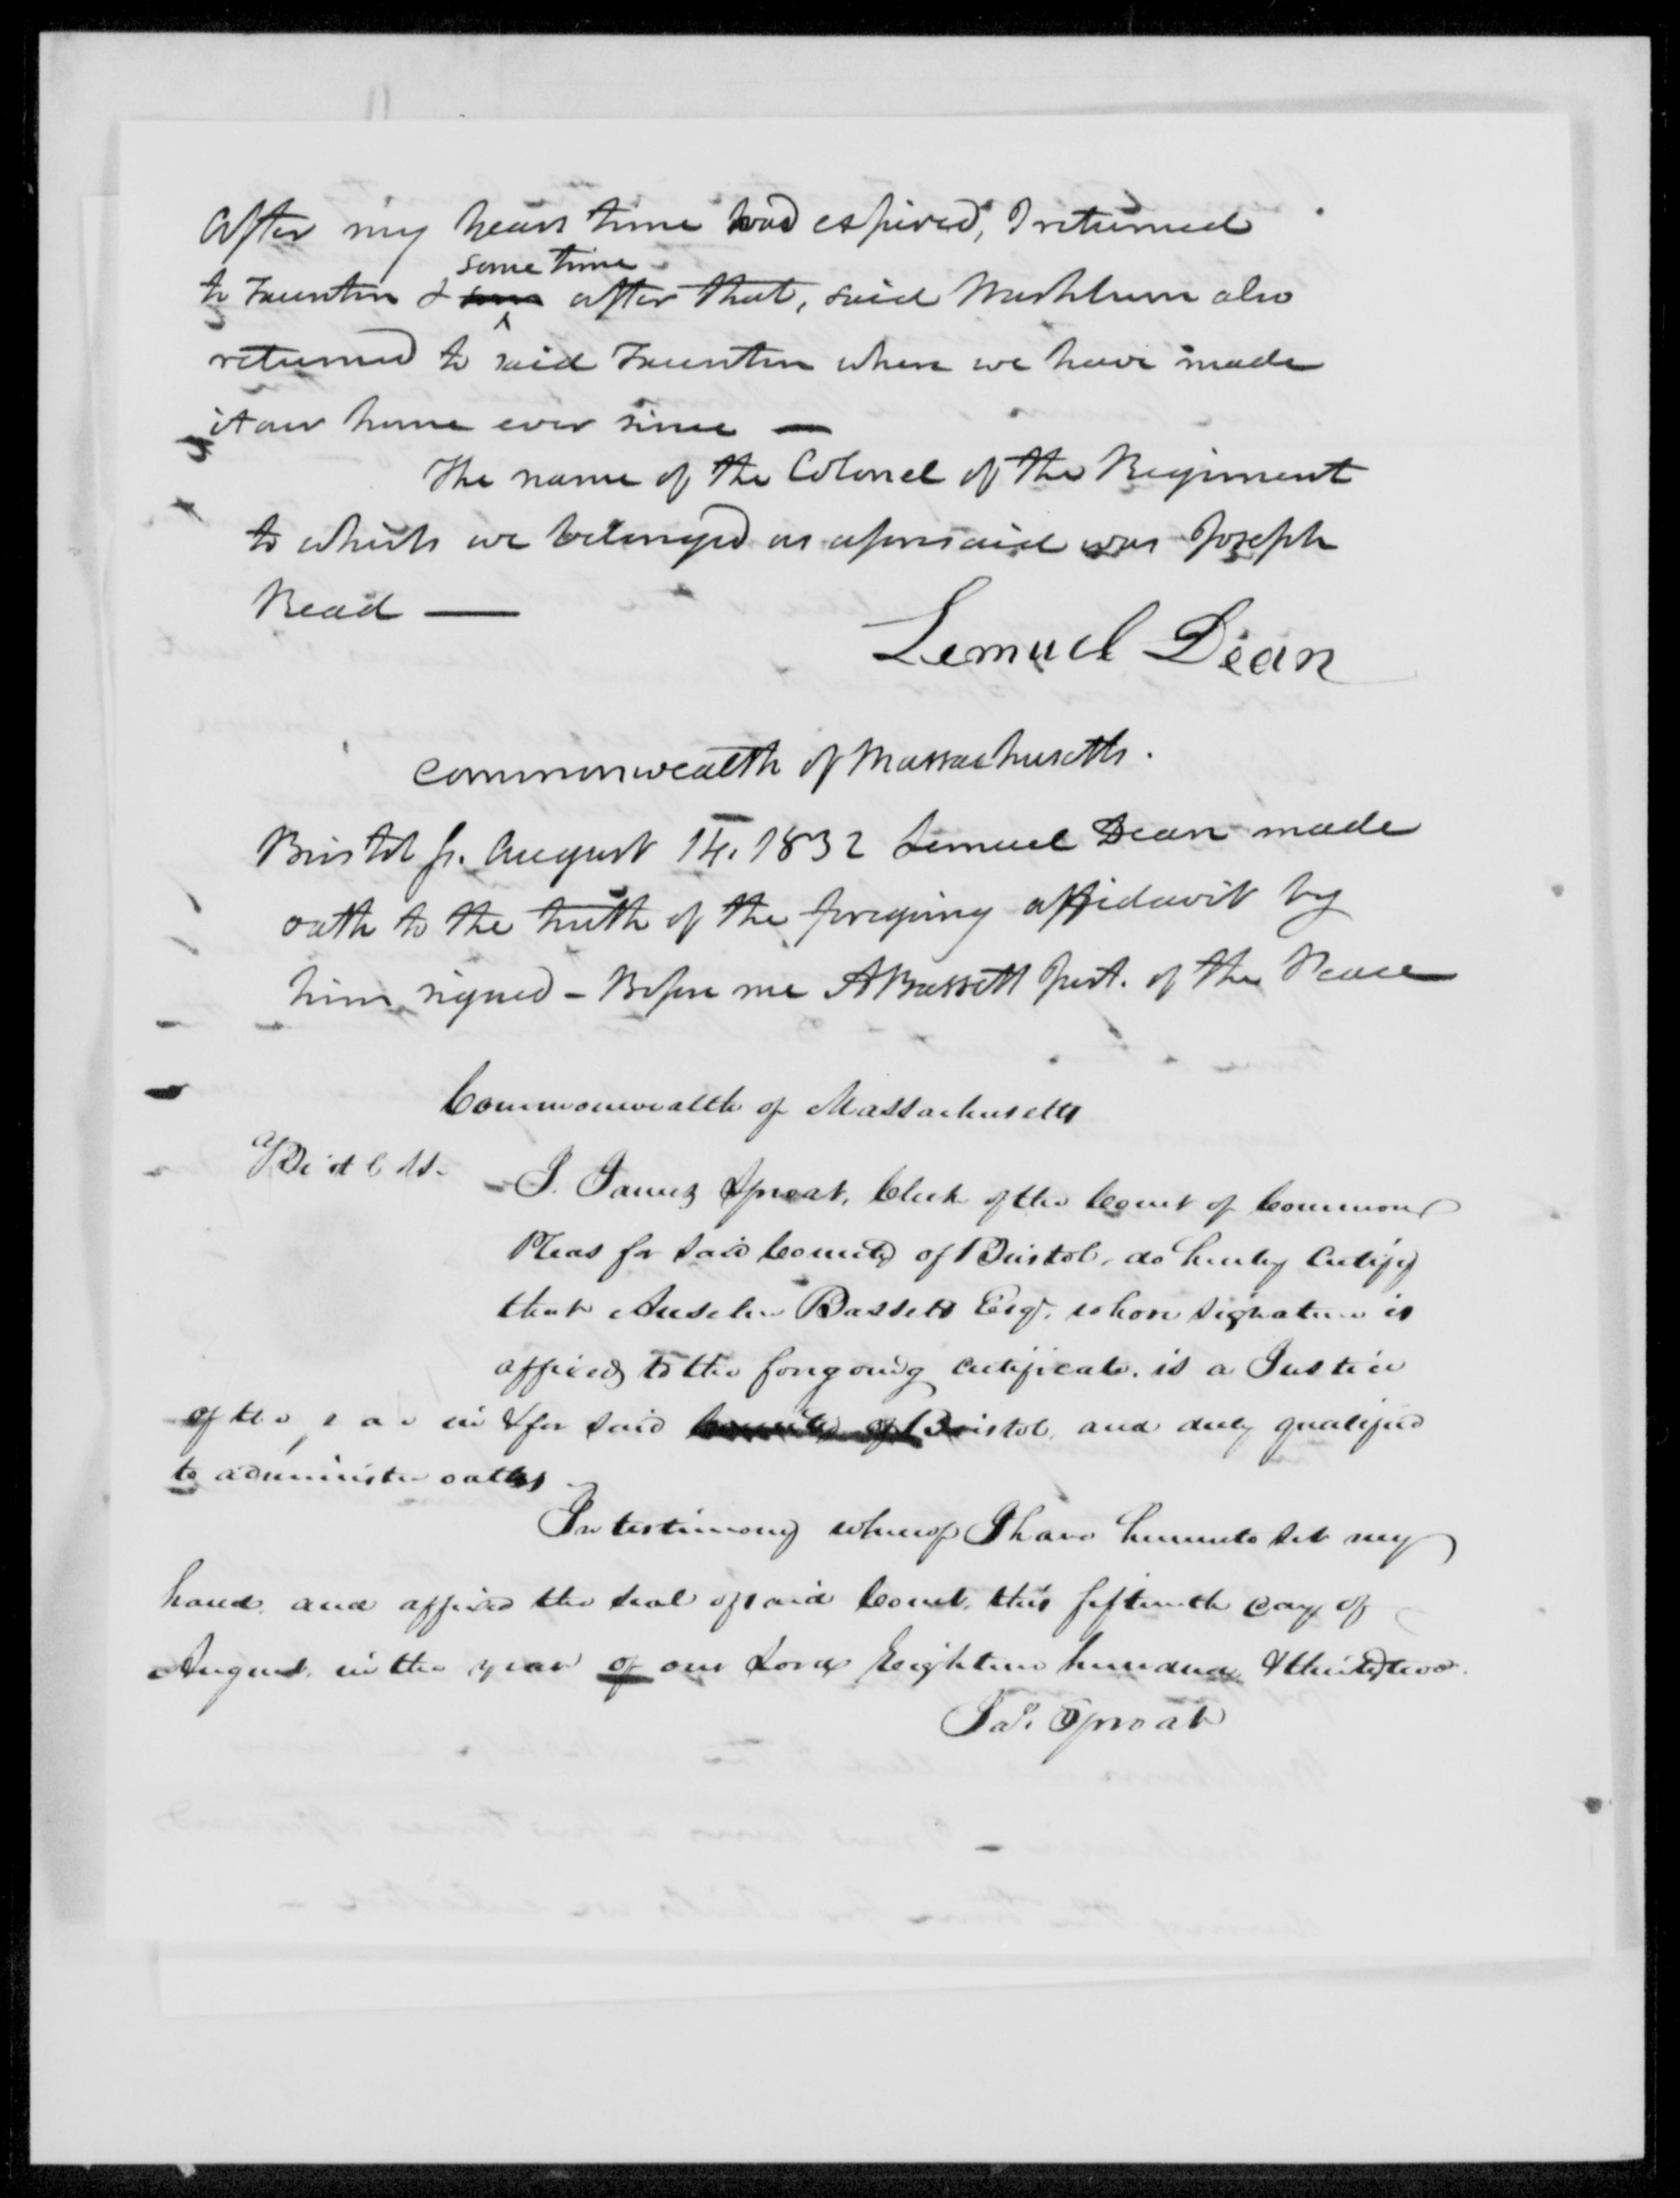After my years time had expired I returned to Taunton & some time after that, said Washburn also returned to said Taunton where we have made it our homes ever since-
  The name of the Colonel of the Regiment to which we belonged as aforesaid was Jospeh Read—
                    Lemuel Dean

Commonwealth of Massachusetts .
  Bristol Ss. August 14, 1832 Lemuel Dean made oath to the truth of the foregoing affidavit by him signed- before me A Bassett Just of the Peace

     Commonwealth of Massachusetts
Bristol SS-  I James Sproat, Clerk of the Court of Common Pleas for said County of Bristol, do hereby certify that, Anselm Bassett Esq. whose signature is affixed to the foregoing certificate is a Justice of the peace in & for said Bristol and duly qualified to administer oaths.
   In testimony whereof I have hereunto set my hand, and affixed the seal of said Court this fifteenth day of August in the year of our Lord Eight hundred & thirty two 
   Ja’s. Sproat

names: A Bassett, Washburn, Joseph Read, James Sproat, Anselm Bassett, Jas Sproat, Lemuel Dean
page: 34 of 34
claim: widow's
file: W. 1677, Isaac Washburn, Mass.